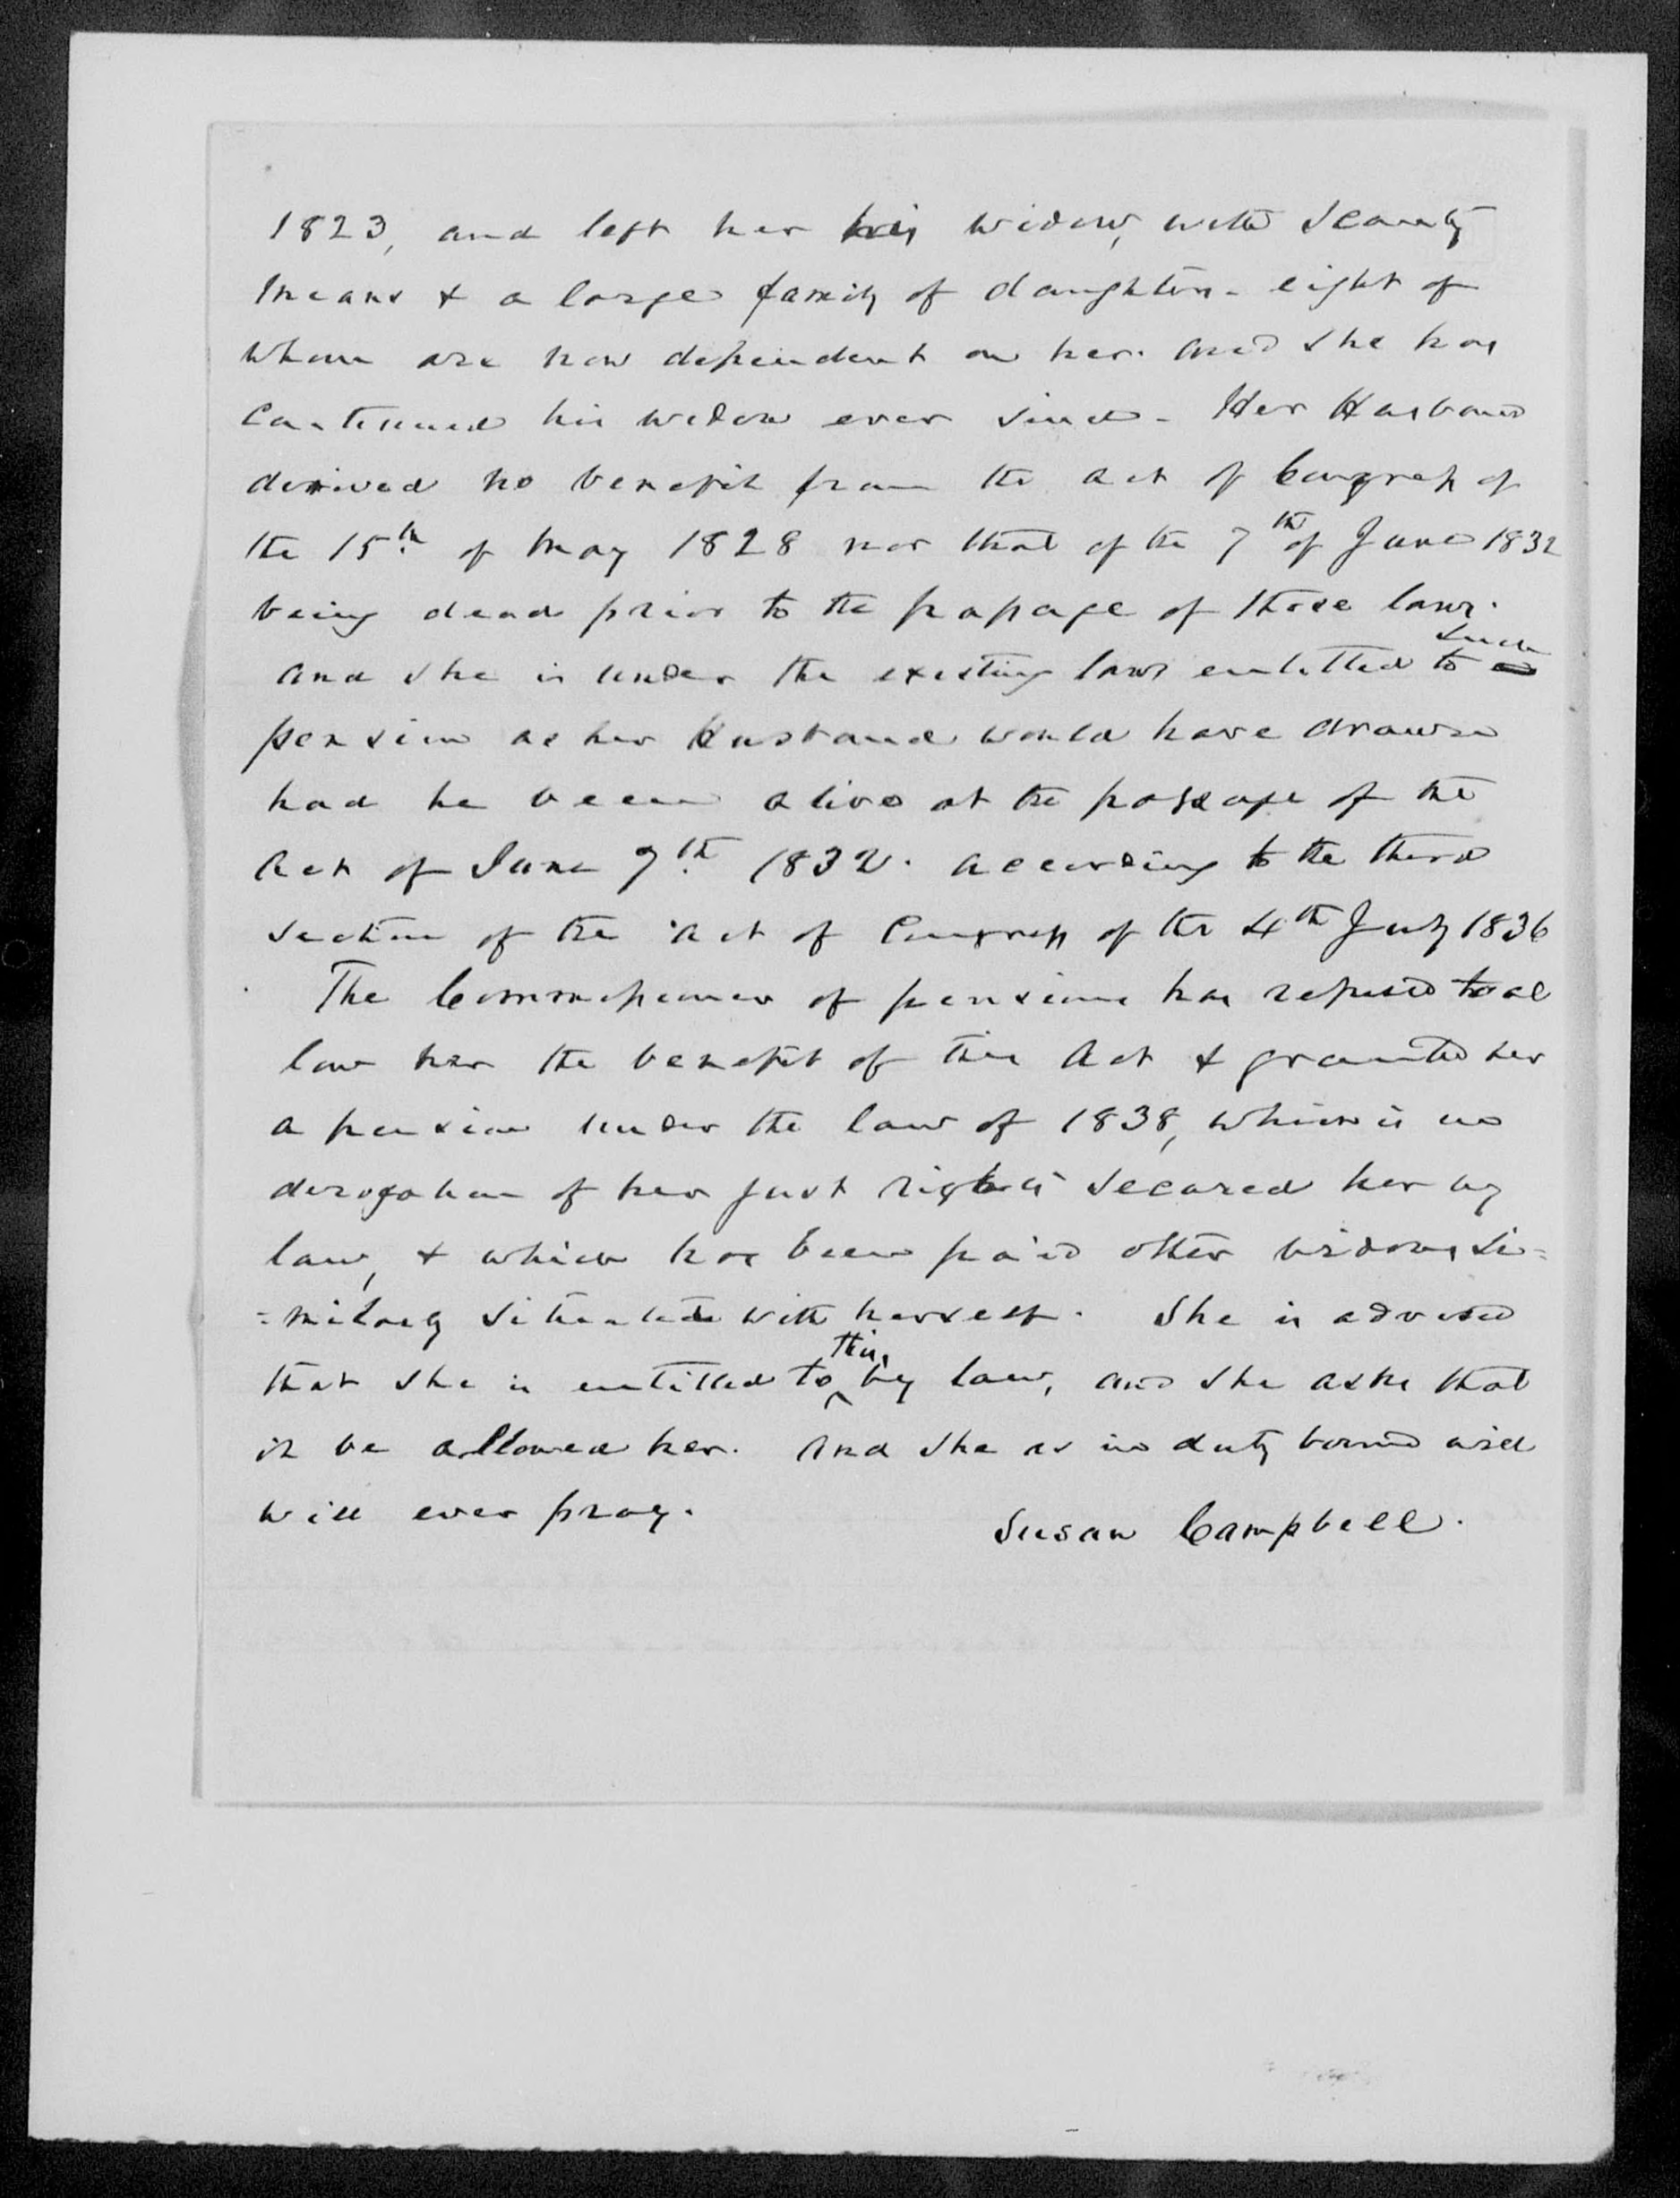1823, and left her his widow, with Scanty Means +[and] a large  family of daughters -- eight of Whom are now dependent on her. and she has continued his widow ever since. Her Husband derived no benefit from the Act of Congress of the 15th of May 1828 nor that of the 7th of June 1832 being dead prior to the passage of these laws.  And she is under the existing laws entitled to Such [illegible crossed ot word] pension as her Husband would have drawn had he been alive at the passage of the Act of June 7th 1832.  according to the third section of the Act of Congress of the 4th July 1836.
The Commissioner of pensions has refused to allow her the benefit of the Act +[and] prevented her a pension under the law of 1838, which is an derogation of her just rights secured her by law, +[and] which has been paid other widows similarly situated with harvest.  She is advised that she is entitled to [insert] this [end insert], by law, and she asks that it be allowed her.  And She as in duty bound will we'll ever pray.
Susan Campbell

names: Susan Campbell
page: 138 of 267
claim: widow's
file: W. 4,149, William Campbell, Va.